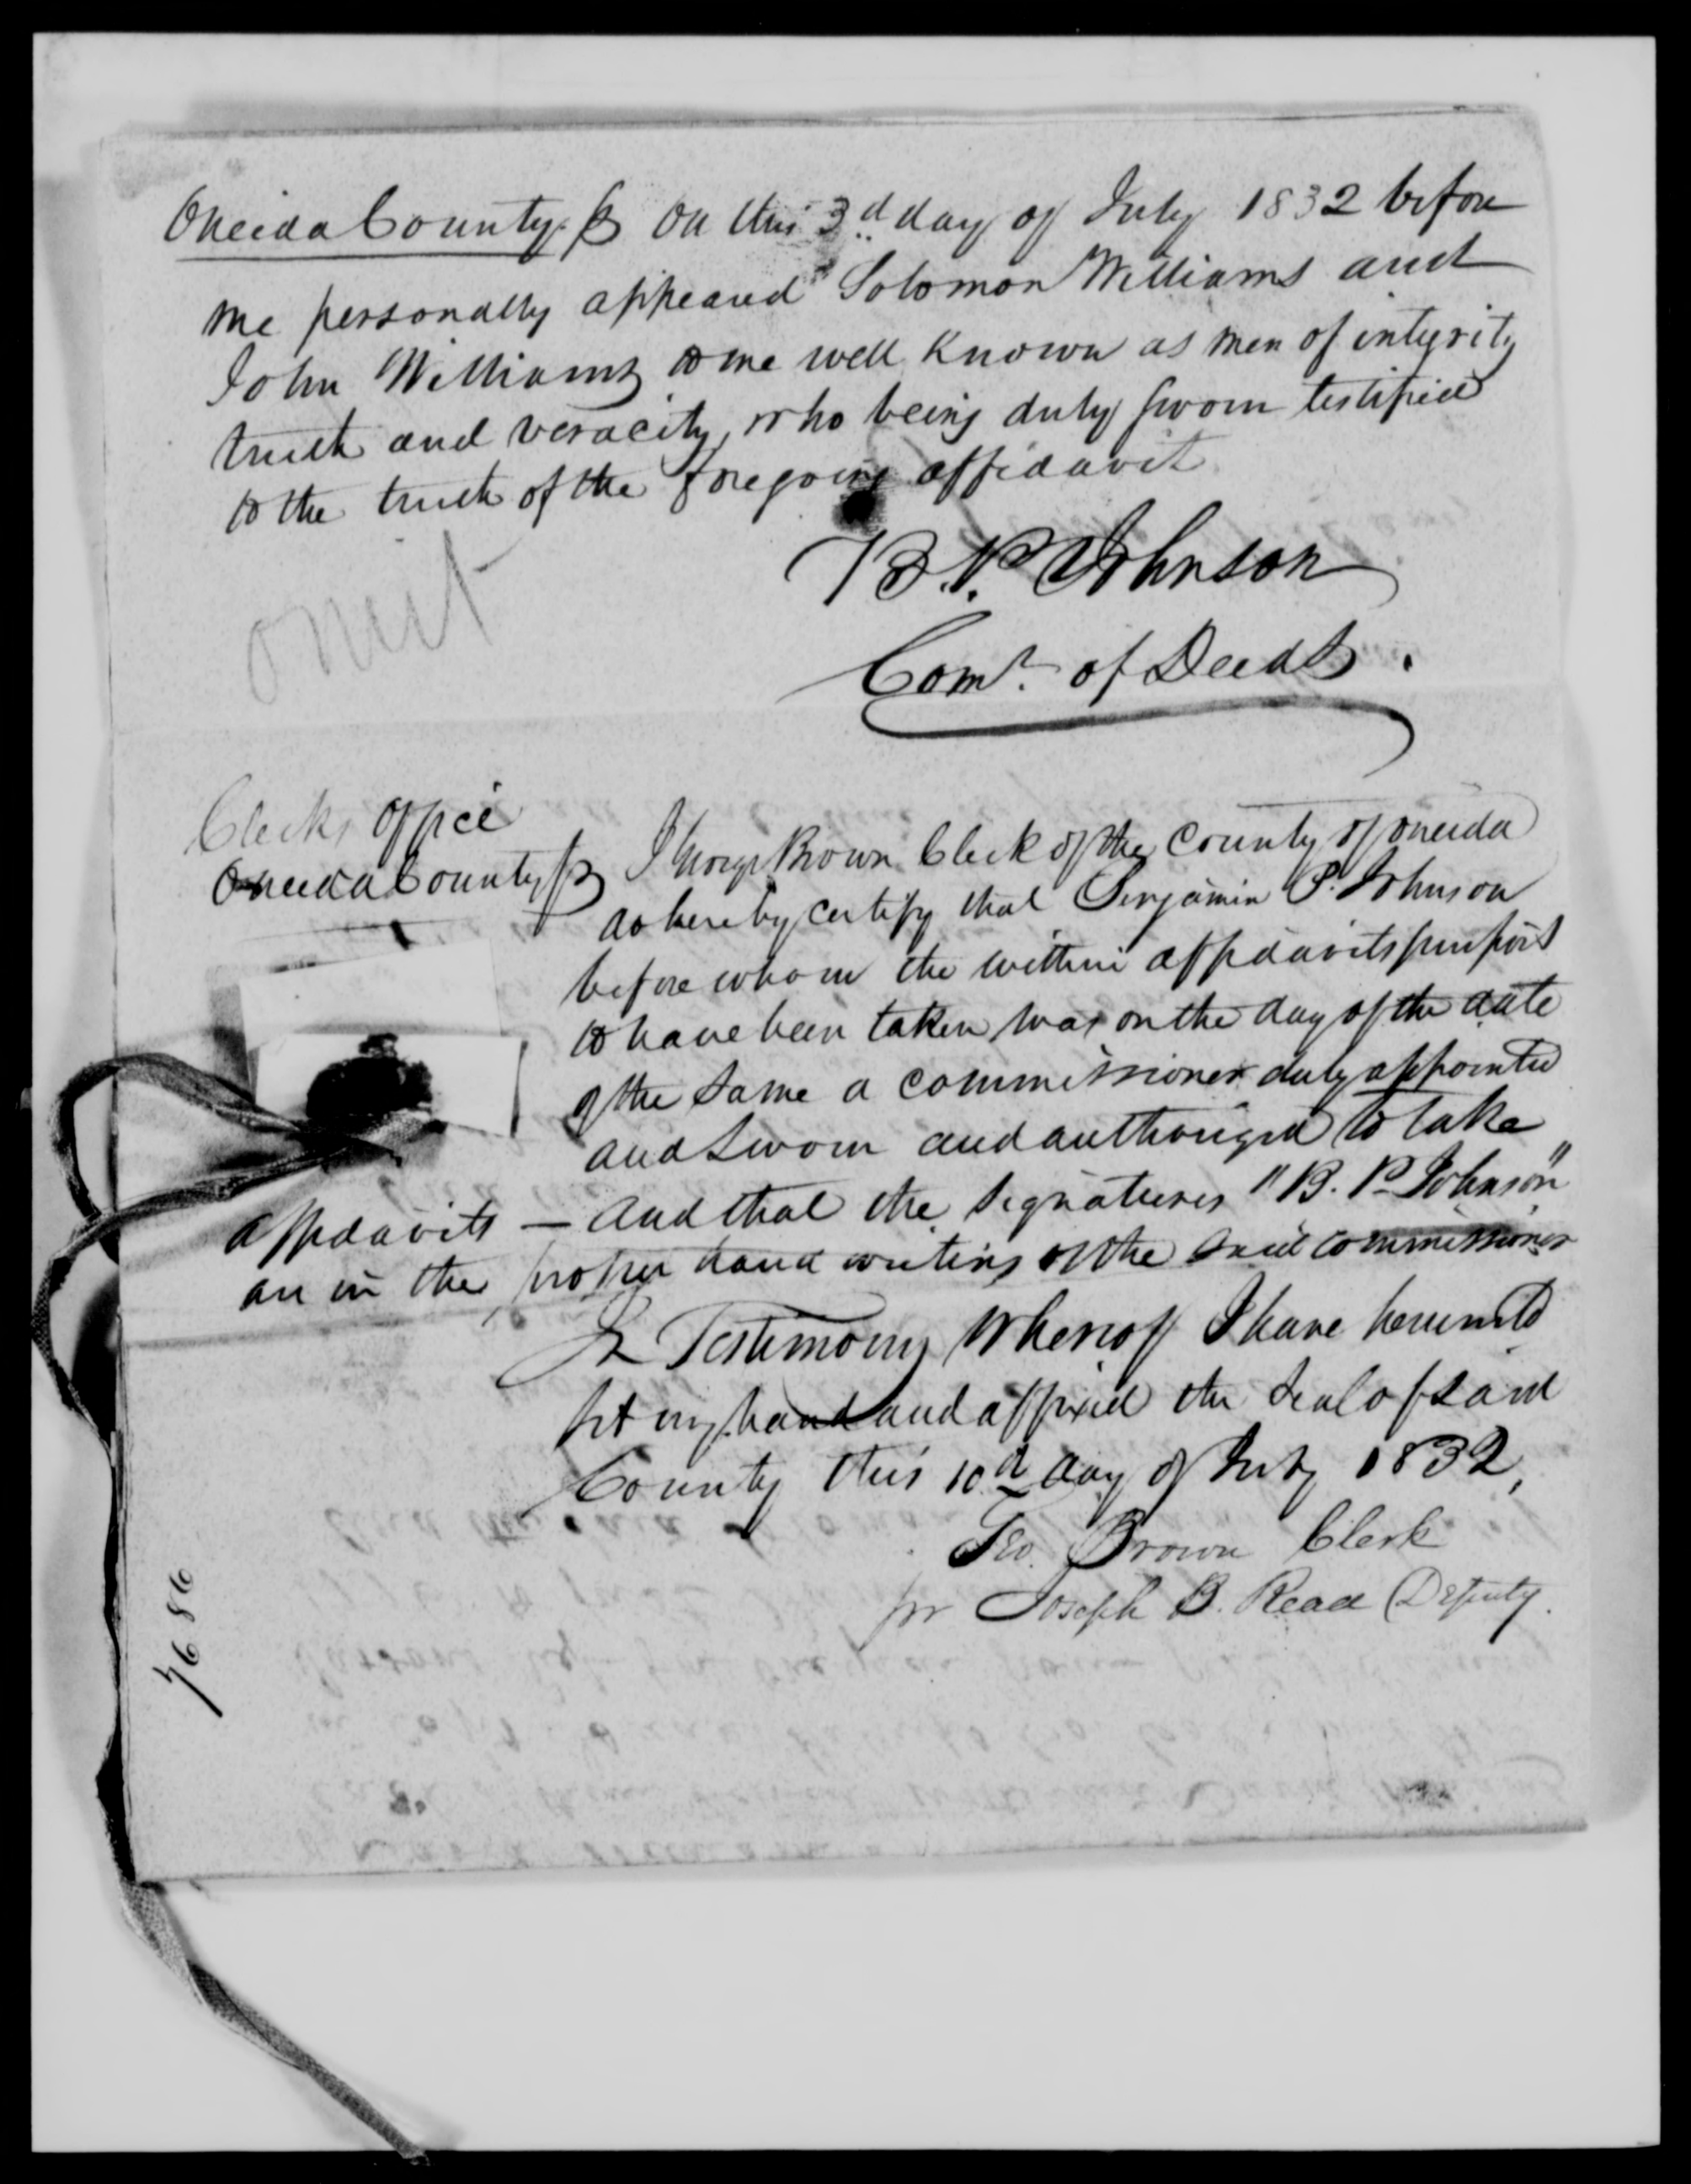Oneida County ss  On this 3d day of July 1832 before me personally appeared Solomon Williams and John Williams to me well known as men of integrity truth and veracity, who being duly sworn testified to the truth of the foregoing affidavit.
B. V. Johnson  Coms. of Deeds.

Clerk, office Oneida County ss. I George Brown Clerk of the County of Oneida do hereby certify that Benjamin P. Johnson before whom the written affidavits purported to have been taken was on the day of the date of the same a commissioner duy appointed and sworn and authorized to take affidavits.  And that the signaturers "B. P. Johnson" as in the proper hand  writing of the said commissioner.  In testimony whereof I have hereunto put my hand and affixed the Seal of said County this 10th day of July 1832.  Geo. Brown Clerk  Joseph B. Read Deputy.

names: George Brown, Benjamin P Johnson, Solomon Williams, Joseph B Read, John Williams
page: 8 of 63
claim: widow's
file: W. 22,632, David Williams, Conn. Continental Privateer